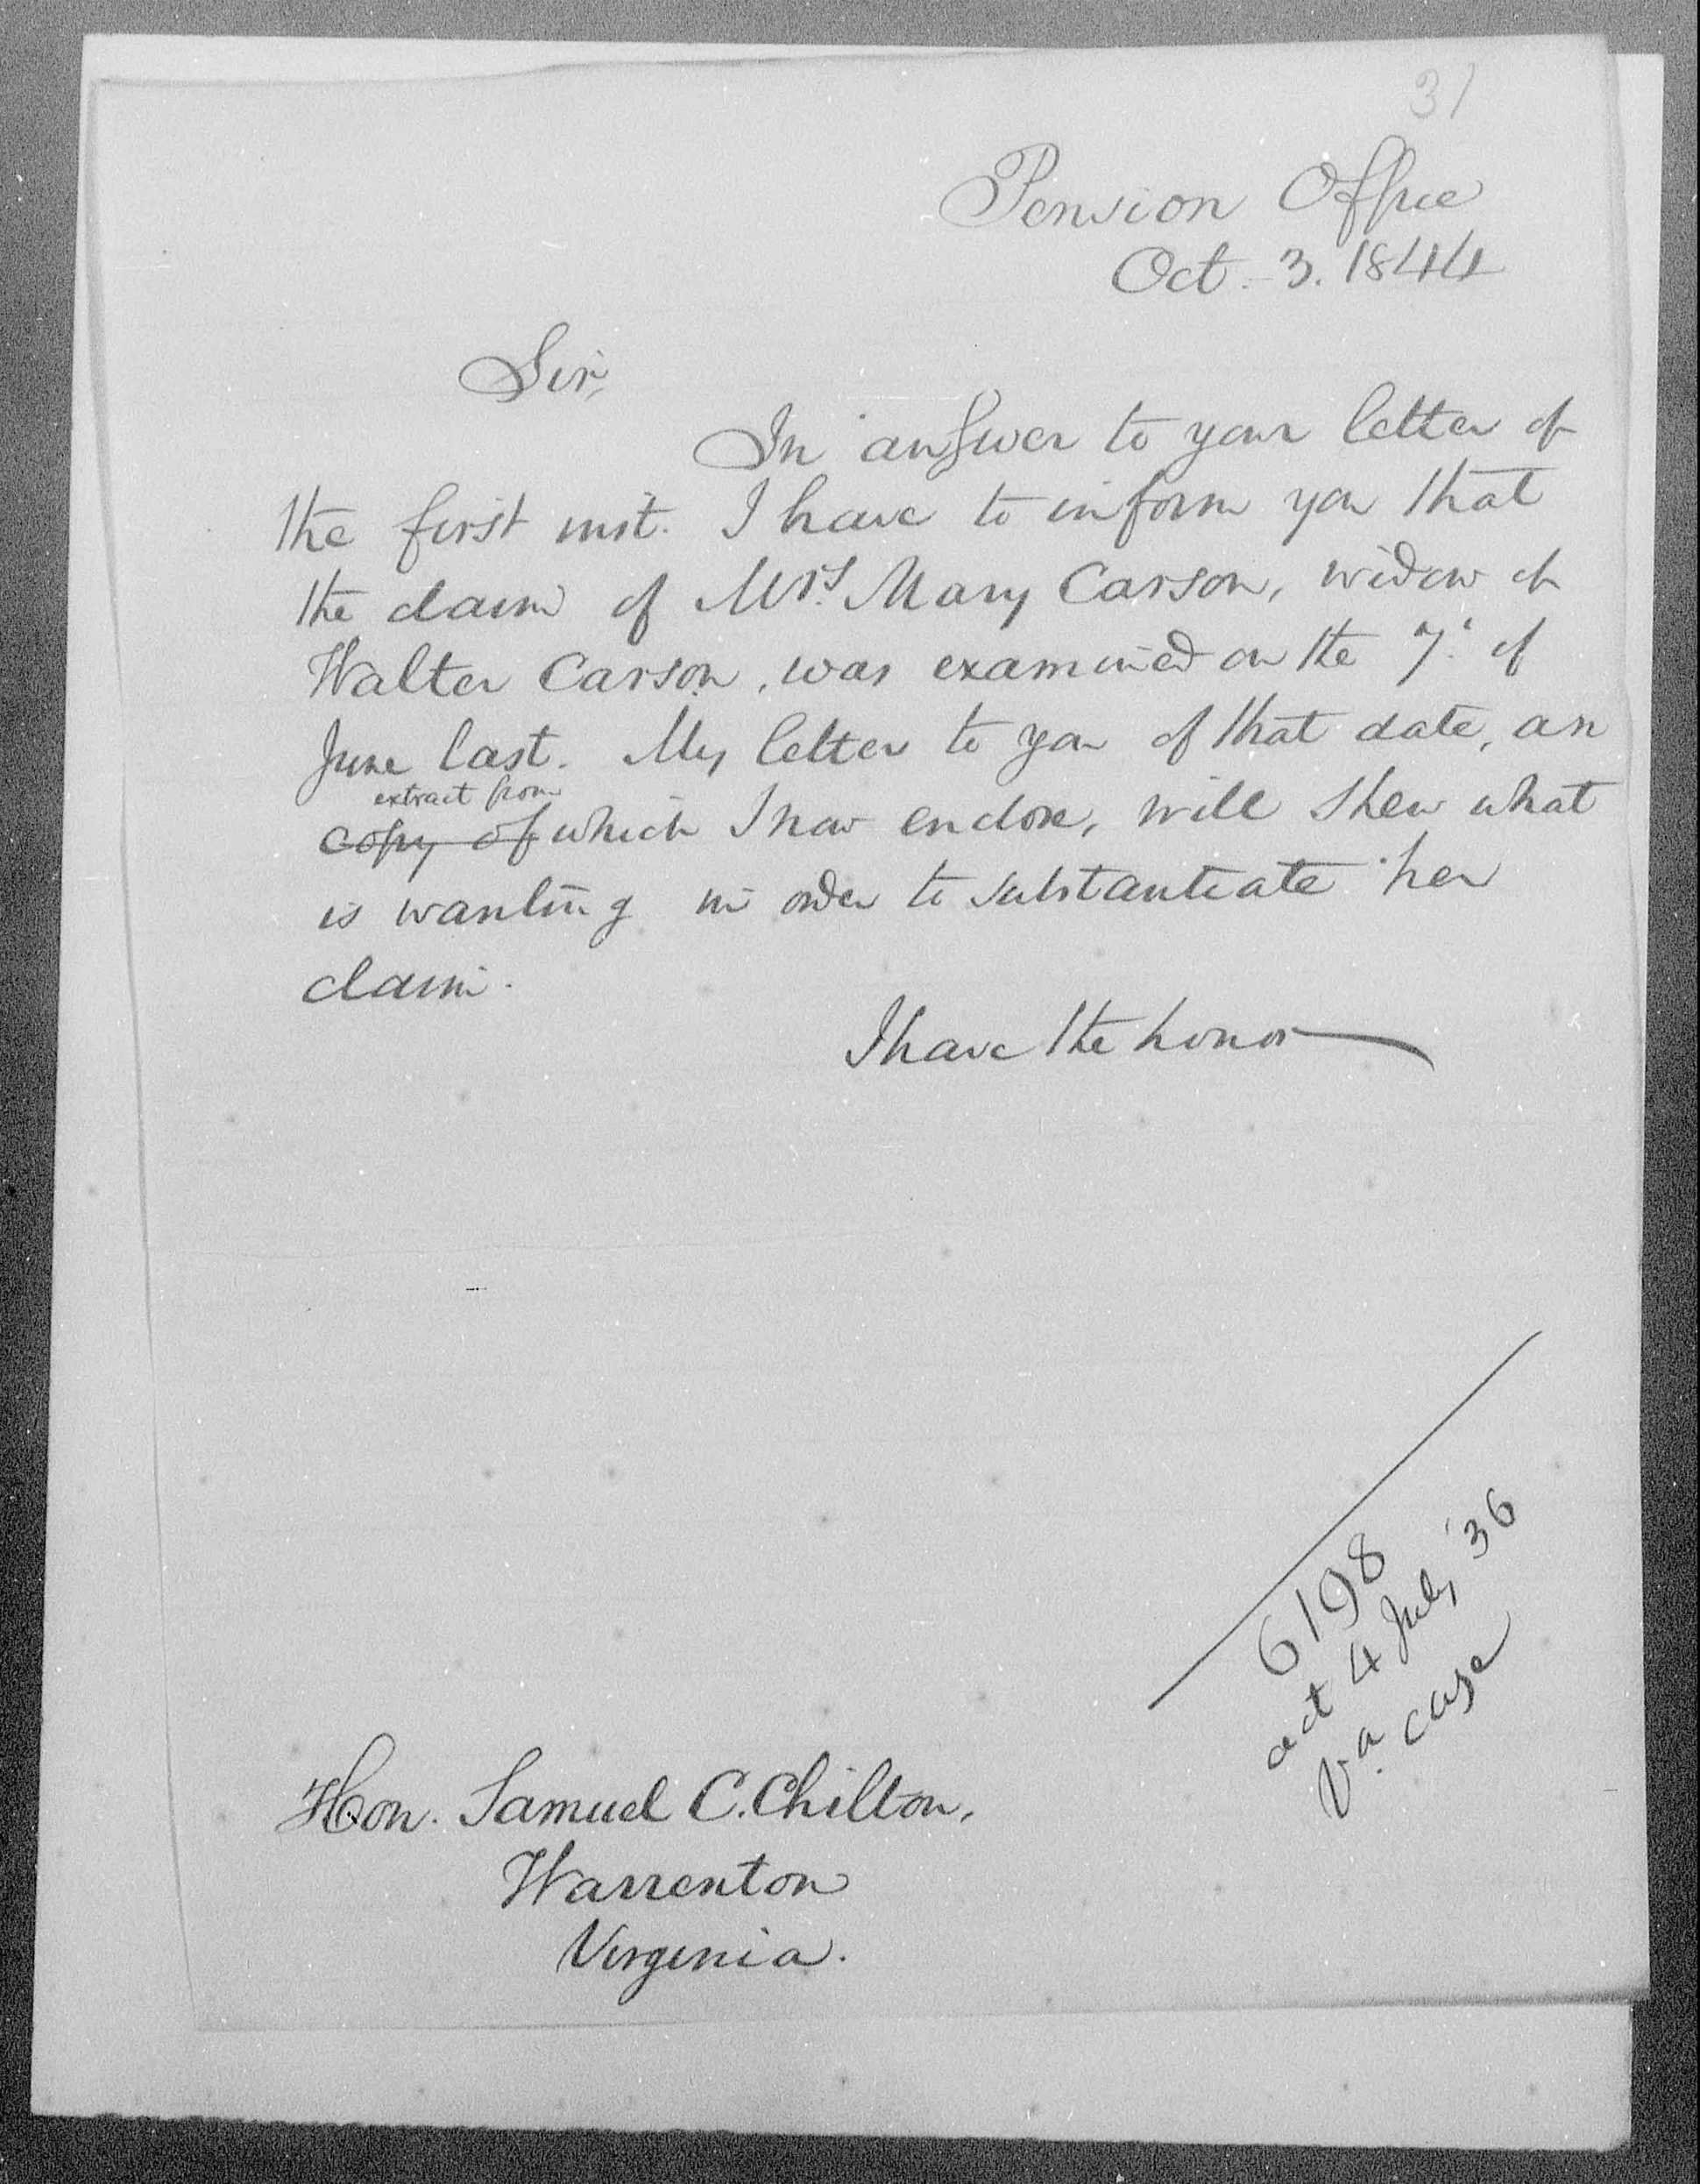31 Pension Office
Oct 3. 1844
Sir,
In answer to your letter of the first inst. I have to inform you that the claim of Mrs Mary Carson, widow of Walter Carson, was examined on the 7th of June last. My letter to you of that date, an extract from which I now enclose, will shew what is wanting in order to substantiate her claim.
I have the honor
Hon. Samuel C. Chilton,
Warrenton
Virginia

6198
Act 4 July '36
Va. case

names: Mary Carson, Walter Carson, Samuel C Chilton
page: 14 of 34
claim: rejected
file: R. 1,738, Walter Carson, N.C. S.C.